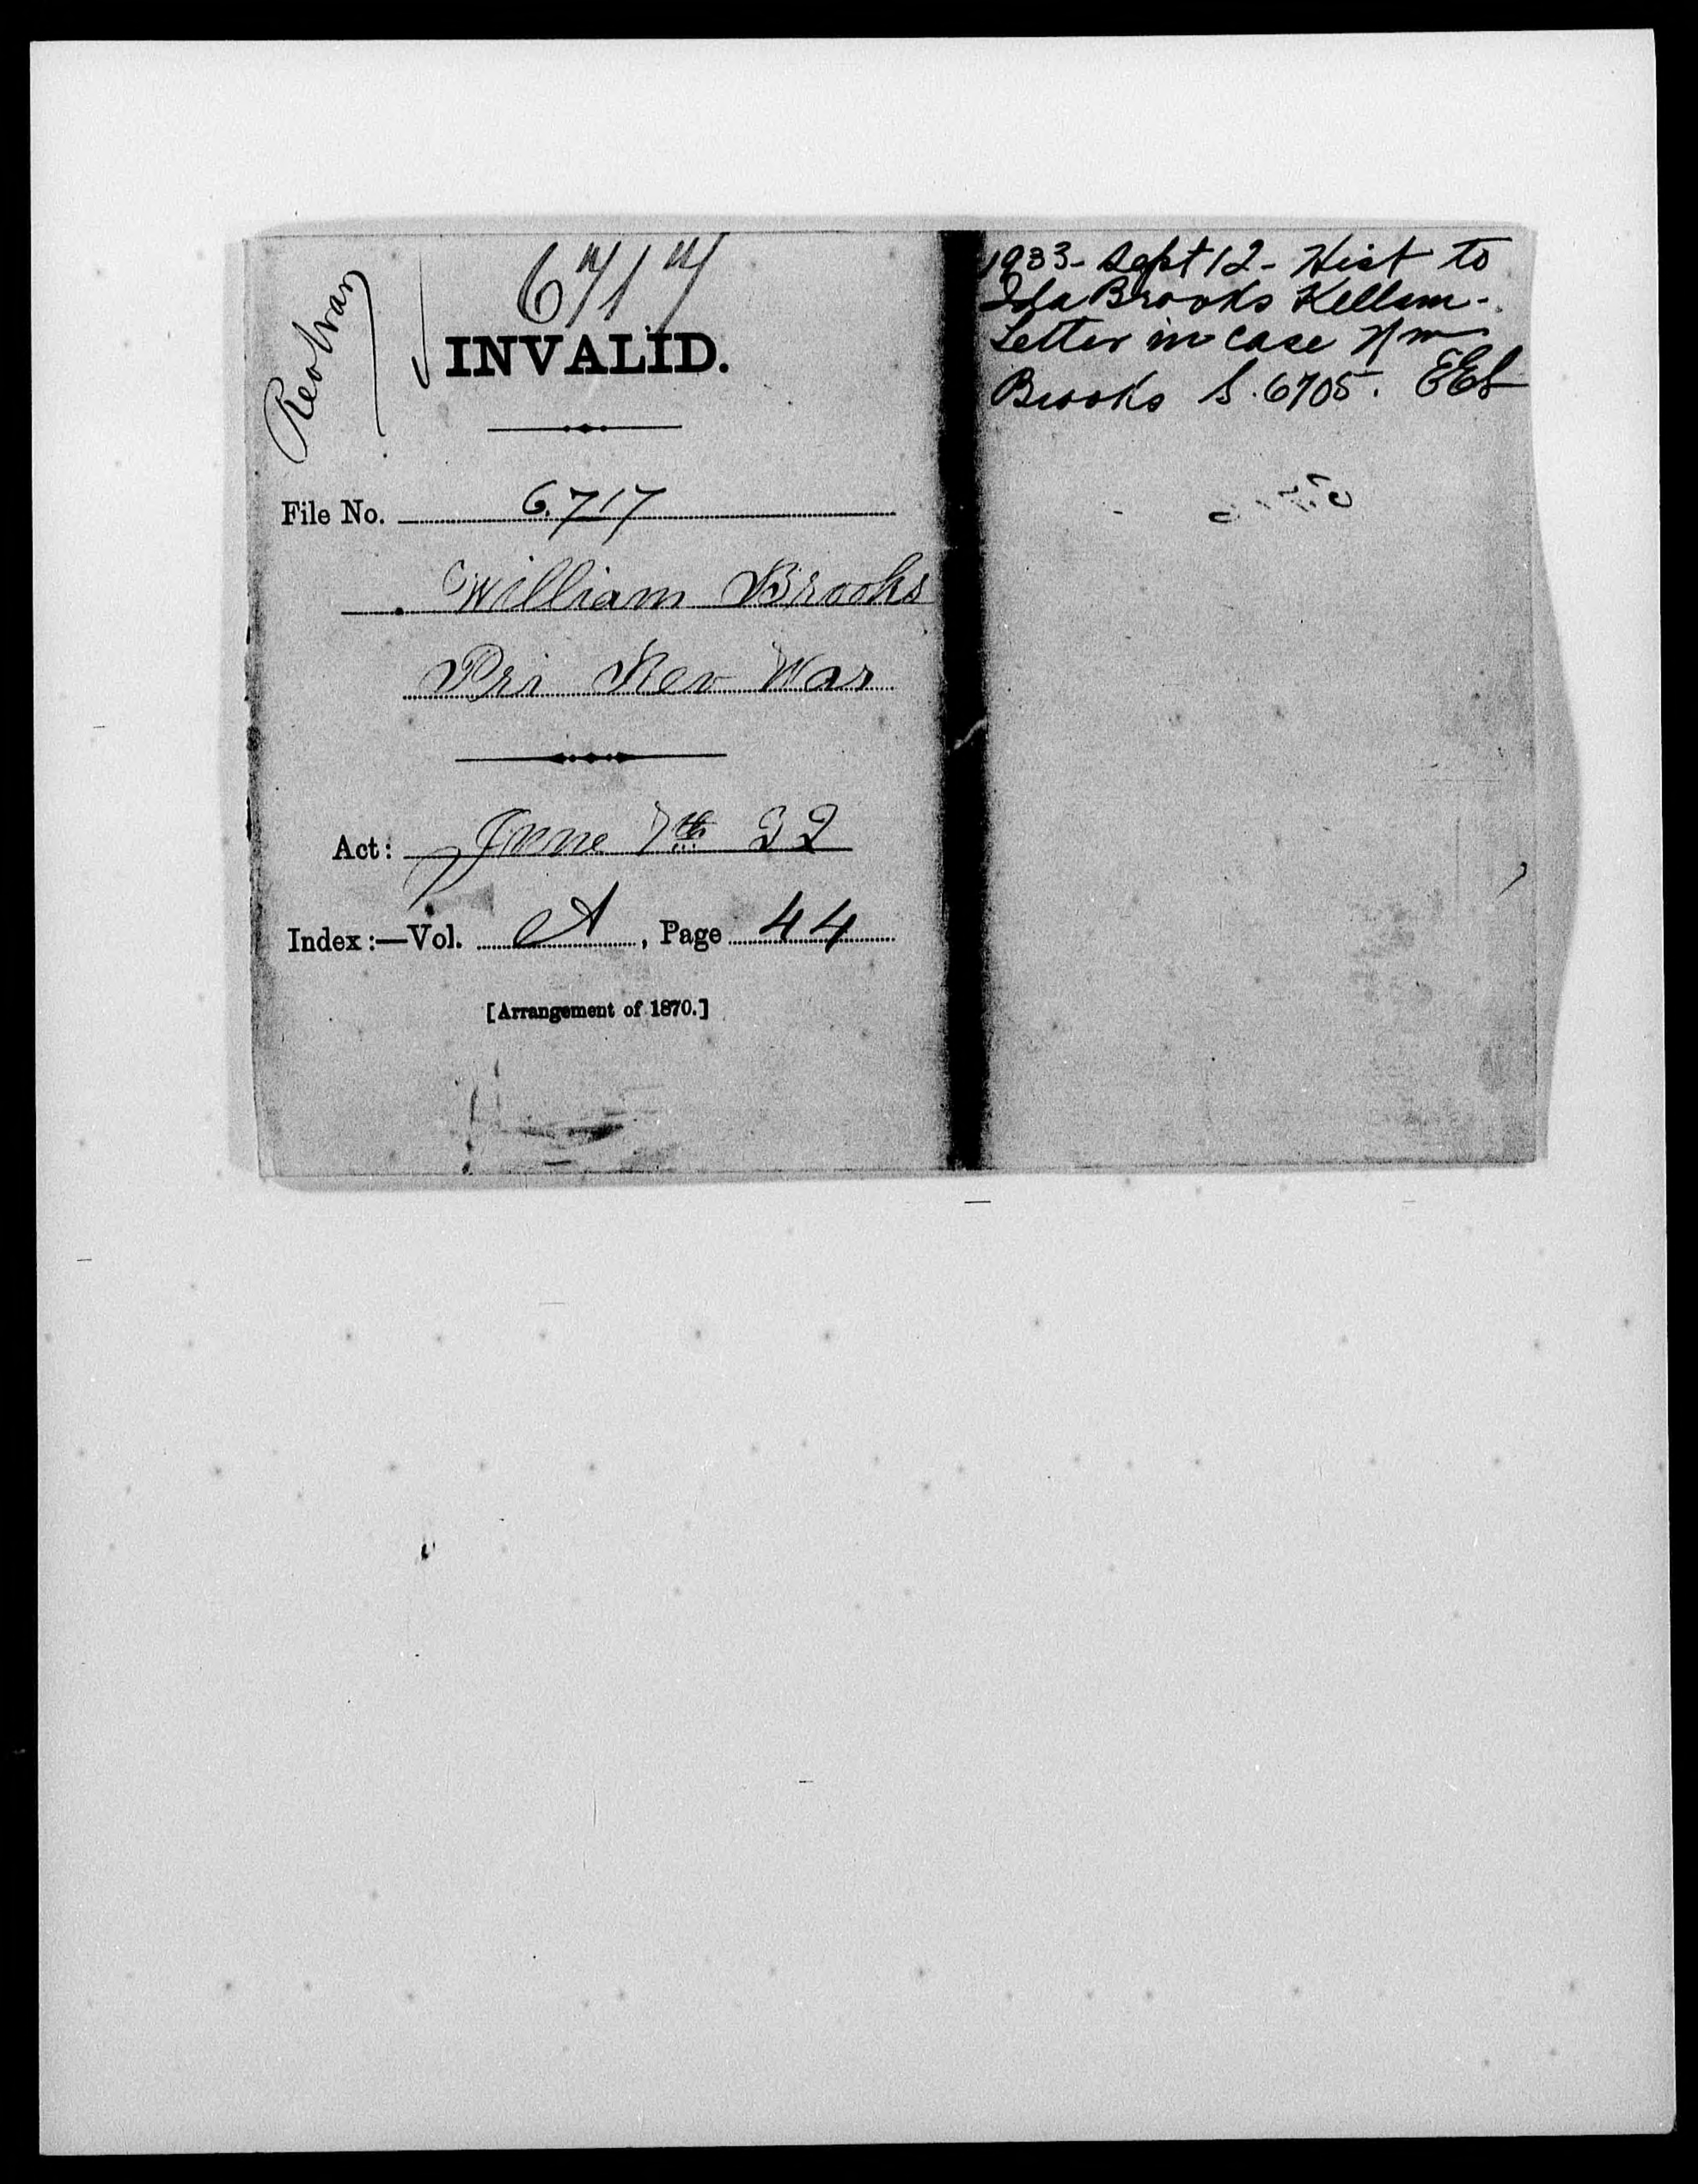[typed form, with handwritten responses]
INVALID.
File No. 6.717
William Brooks
Act: June 7th 22
Index:-Vol. A, Page 44
[Arrangement of 1870]

{on the right, a handwritten response}
1933 - Sept 12 - Hist to Ida Brooks Kelham - Letter in case 
Brooks S. 6707 E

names: Wm Brooks, Ida Brooks Kellam, William Brooks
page: 15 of 17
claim: survivor's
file: S. 6717, William Brooks, Md. N.C.